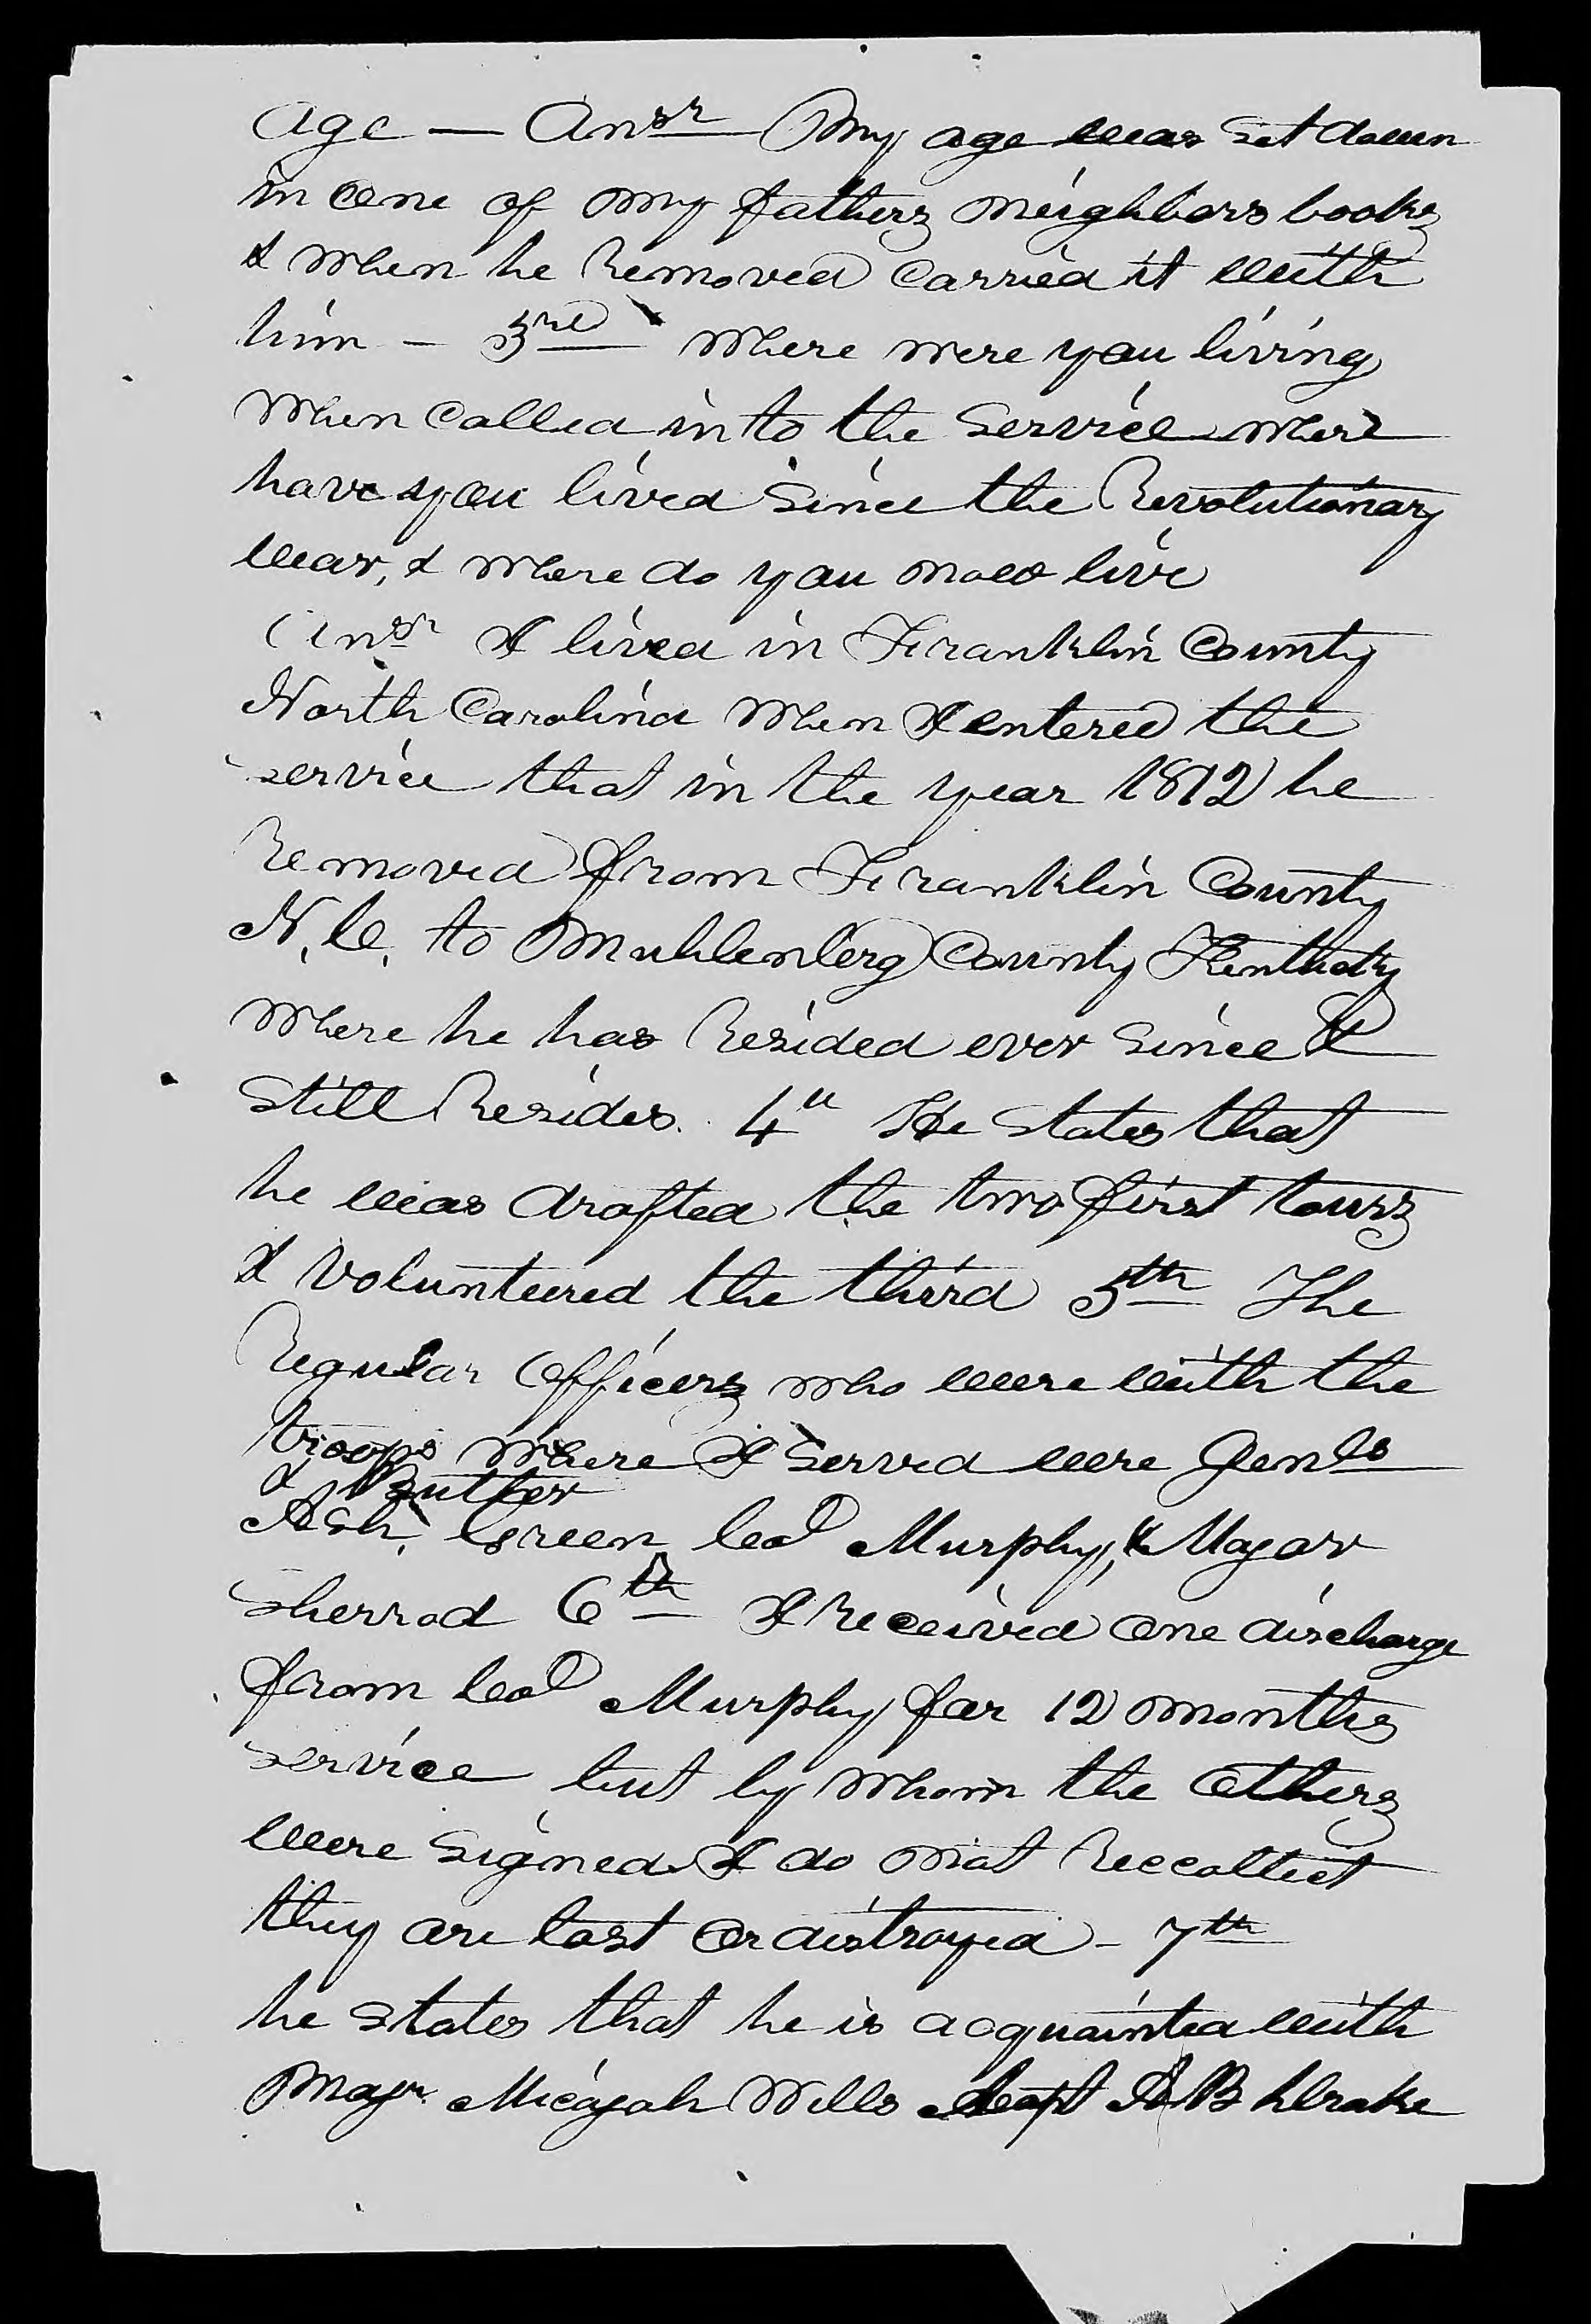age [and if so, where is it]? 
Ansr [Answer]: My age was set down in one my father's neighbor's books & when he removed carried it with him 
3rd Where were you living when called into the service? Where have you lived since the Revolutionary War and where do you now live? 
Ansr [Answer]: I lived in Franklin County North Carolina when I entered the Service that in the year 1812 he removed from Franklin County N. C. to Muhlenberg County Kentucky where he has Resided ever since & still resides
4th [How were you called into service; were you drafted; did you volunteer, or were you a substitute and if so for whom did you substitute?] 
[Answer:] He states that he was drafted the two first tours & volunteered the third. 
5th [State the names of some of the Regular Officers who were with the troops where you served, such Continental and Militia Regiments as you can recollect and the general circumstances of your service.] 
[Answer:] The Regular Officers who were with the troops where I served were Genls [Generals] Butler & Ashe, Greene Col [Colonel] Murphy & Major Sherrod. 
6th [Did you ever receive a discharge from the service; and if so by whom was it given; and what has become of it?] 
[Answer:] I received one discharge from Colonel Murphy for 12 months Service but by whom the others were signed I do not Recollect they were lost or destroyed. 
7th [State the names of persons to whom you are known in your present neighborhood, and who can testify to your character for veracity and good behavior and your services as a Soldier of the Revolution.] 
[Answer:] He states that he is acquainted with Major Micajah Wells, Capt. A. B. Drake,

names: Micajah Wells, Ash, Sherrad, Murphy, Green, A B Drake, Murphy, Butler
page: 9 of 27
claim: rejected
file: R. 5006, Richard Hill, N.C.